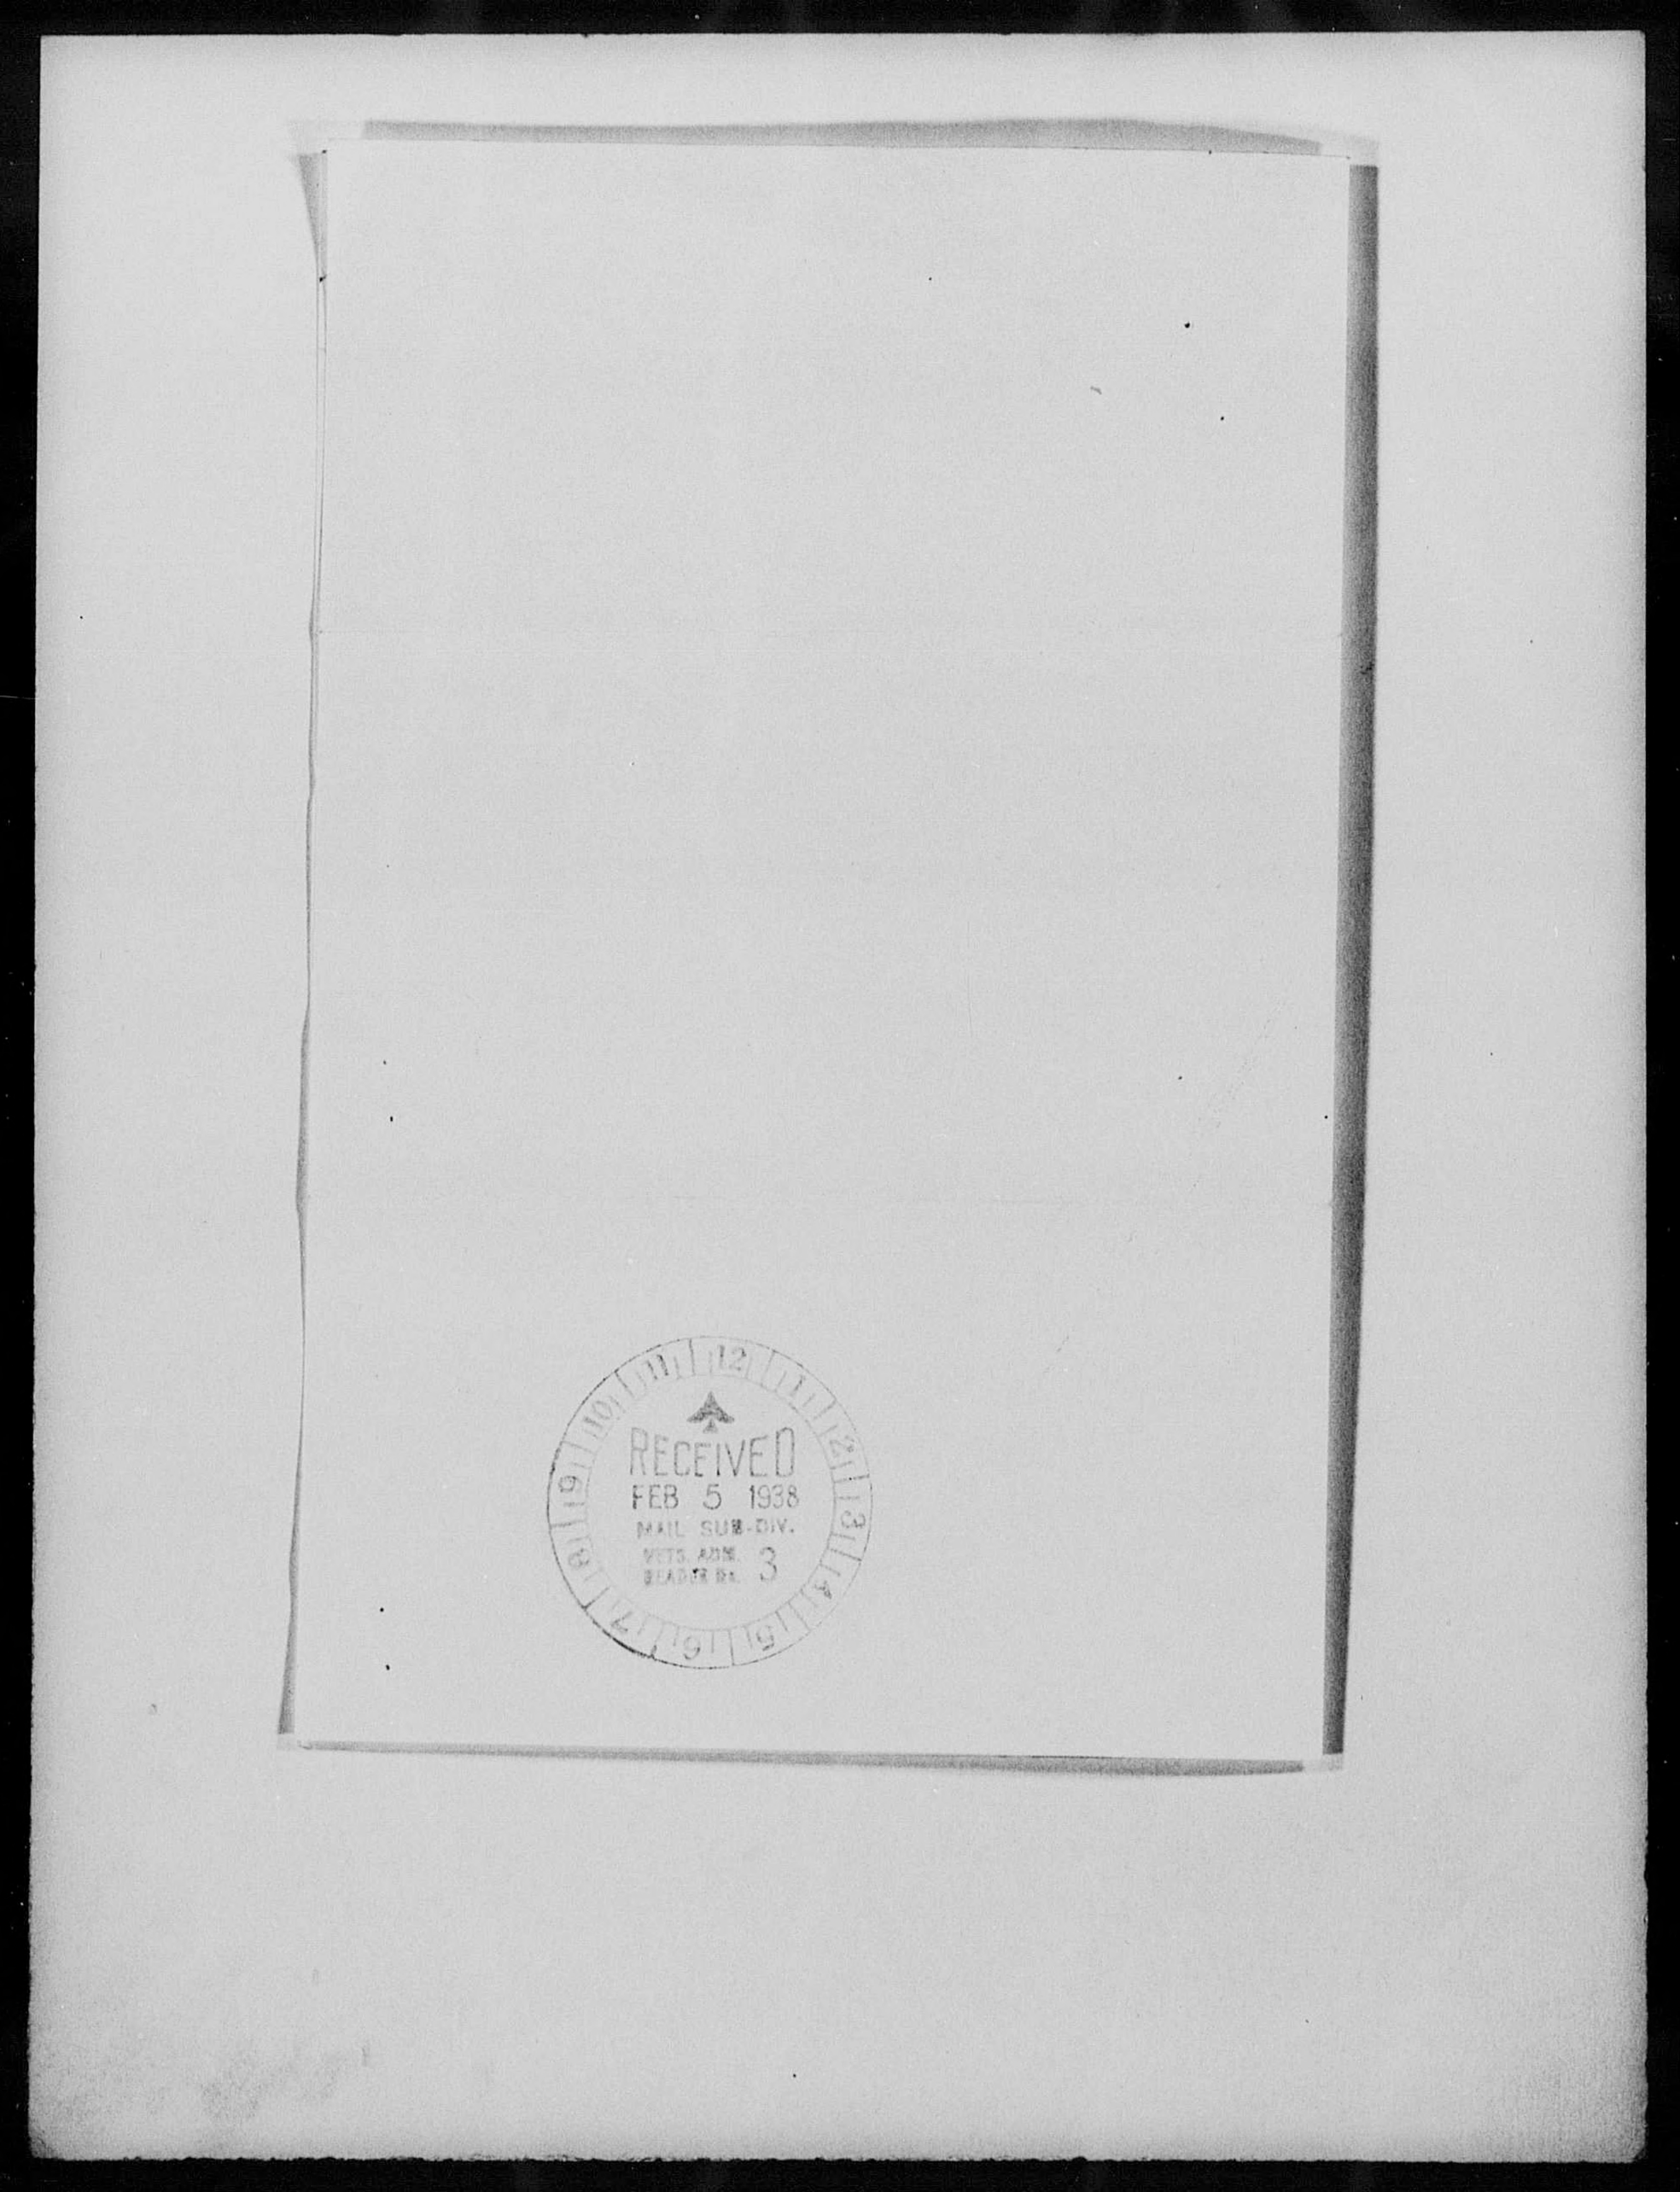[on stamp]
RECEIVED FEB 5 1938
MAIL SUB-DIV.
VETS ADM
[Illegible] 3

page: 66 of 80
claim: widow's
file: W. 24117, John Elder, Penn.